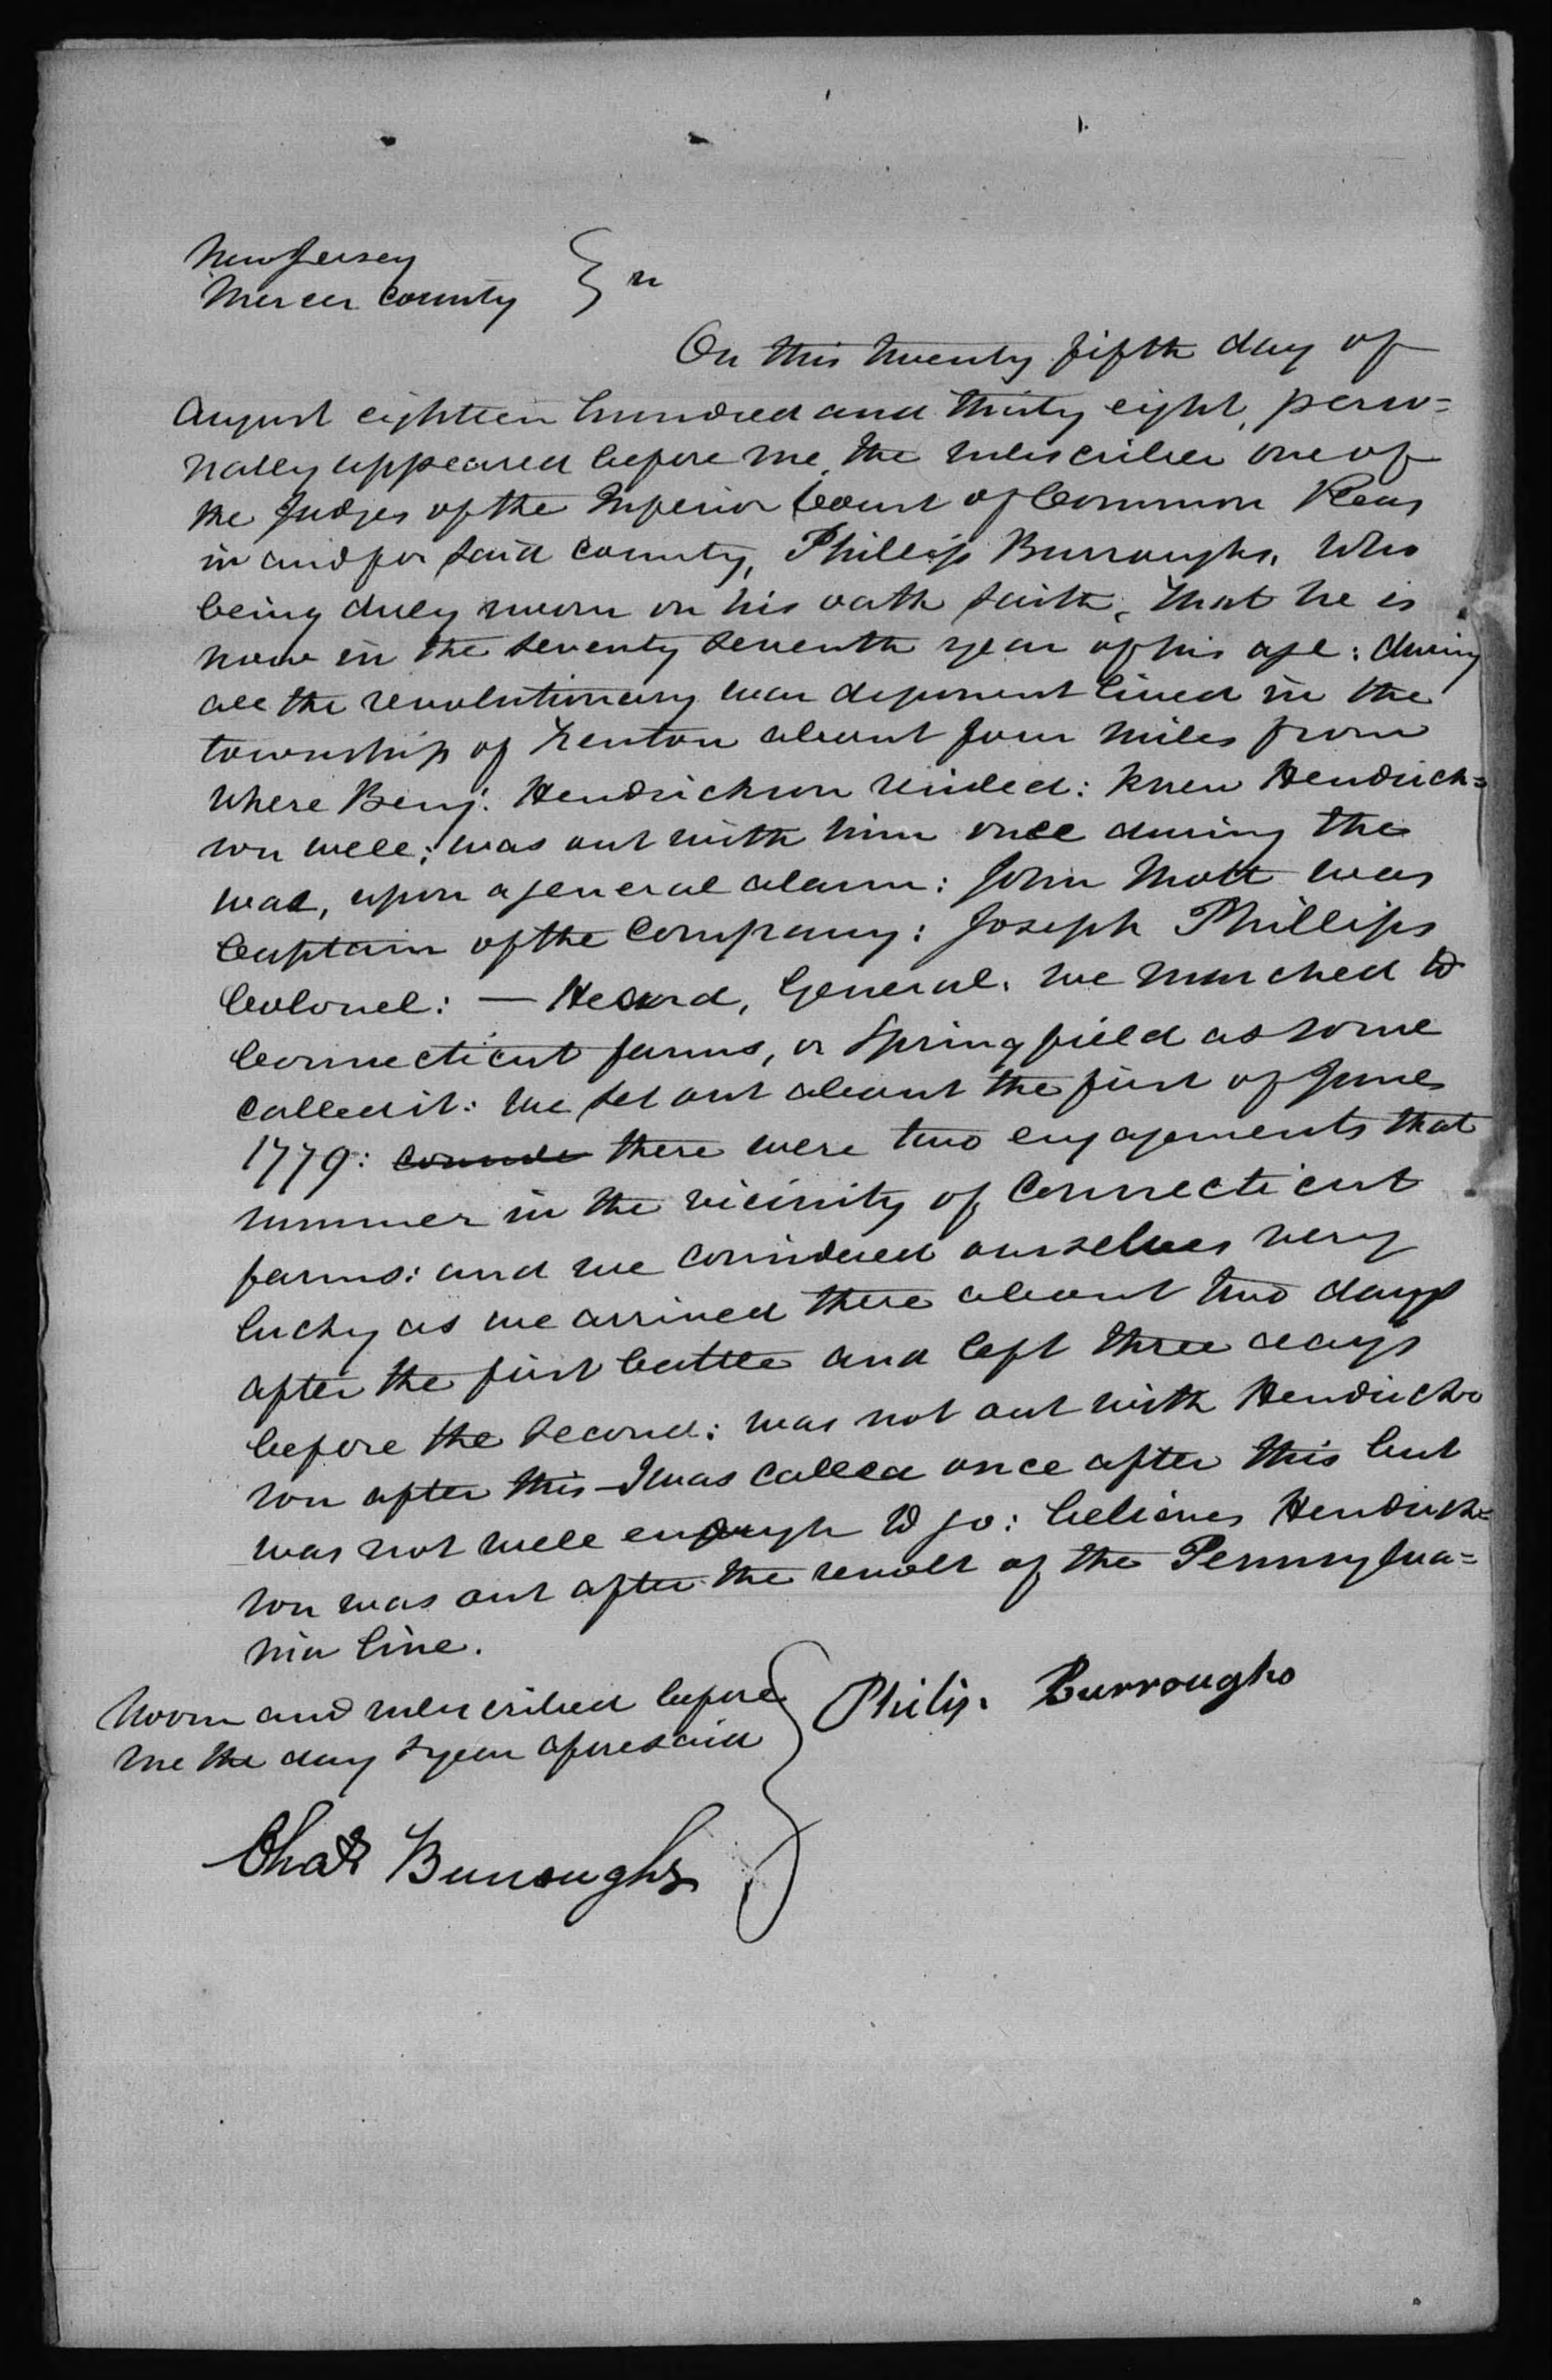New Jersey}
Mercer County} ss
⎬
On this twenty fifth day of August eighteen hundred and thirty eight, personally
appeared before me, the subscriber one of the
Judges of the Inferior Court of Common Pleas
in and for said County, Phillip Burroughs, who
being duly sworn on his oath saith, That he is
now in the seventy seventh year of his age: during all the revolutionary war deponent lived in the township of Trenton about four miles from where Benj. Hendrickson resided: knew Hendrickson well; was out with him once during the war, upon a general alarm: John Mott was Captain of the Company: Joseph Phillips Colonel: _______ Hesard, General. We marched to Connecticut farms, or Springfield as some called it: We set out about the first of June, 1779: there were two engagements that
summer in the vicinity of Connecticut
farms; and we considered ourselves very
lucky as we arrived there about two days
after the first battle and left three days
before the second: Was not out with Hendrickson after this_ I was called once after this but was not well enough to go: believes Hendrickson was our after the revolt of the Pennsylvania line.
Philip Burroughs

Sworn and subscribed before}
me the day & ear aforesaid}
Chas. Burroughs}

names: Chas Burroughs, Hendrickson, Philip Burroughs, Benj Hendrickson, Phillip Burroughs, Joseph Phillips, Hendrickson, John Mott, Hendrickson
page: 12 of 20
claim: rejected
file: R. 4884, Benjamin Hendrickson, New Jersey